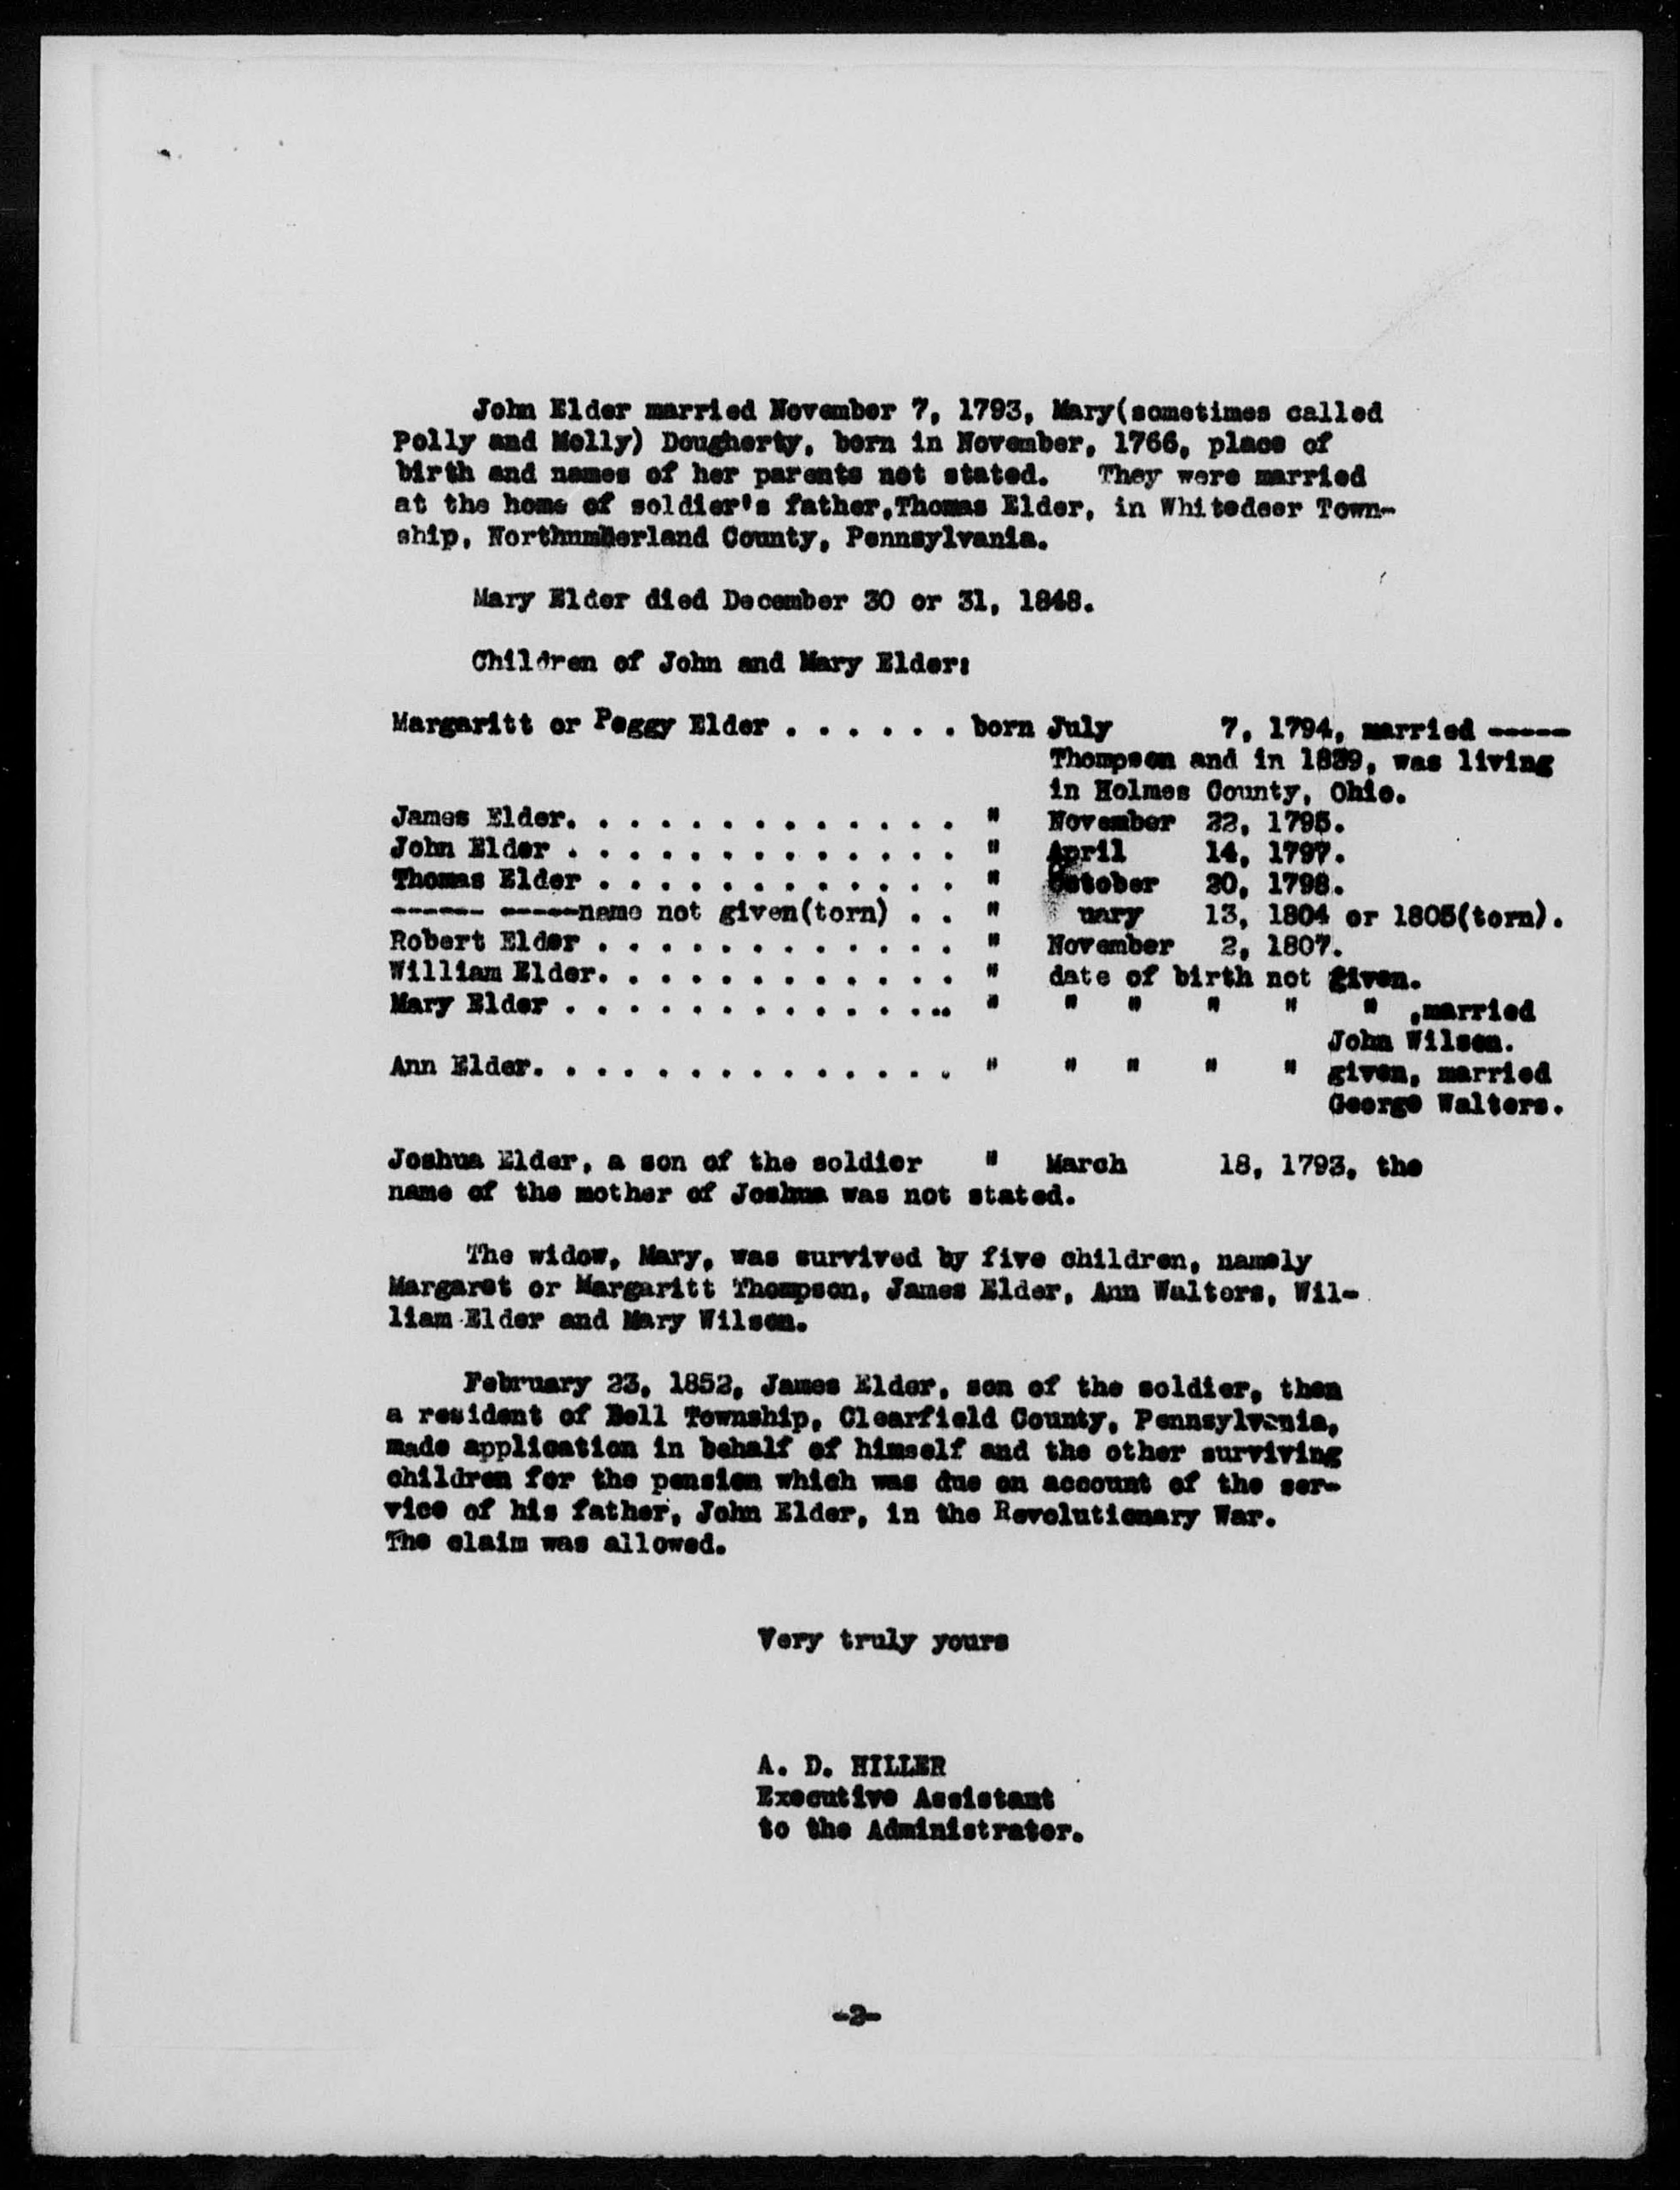John Elder married November 7, 1793, Mary (sometimes called Polly and Molly) Dougherty, born in November 1766, place of birth and names of her parents not stated.  They were married at the home of soldier’s father, Thomas Elder, in Whitedeer Township, Northumberland County, Pennsylvania.

     Mary Elder died December 30 or 31, 1848.
     Children of John and Mary Elder:
Margaritt or Peggy Elder……born July 7, 1794, married——Thompson and in 1839, was living in Holmes County, Ohio.
James Elder………………………#November 22, 1795.
John Elder…………………………#April.          14, 1797
Thomas Elder…………………….#October.    20, 1798
——name not given (torn)….#January 13, 1804 or 1805 (torn).
Robert Elder……………………..#November 2, 1807
William Elder…………………….#date of birth not given.
Mary Elder………………………..# “.      “.   “.      “.            Given.   Married John Wilson
Ann Elder………………………….# “.      “.   “.      “
Given, married George Walter’s.
Joshua Elder, a son of the soldier born March 18, 1793, the name of the mother of Joshua was not stated.

       The widow, Mary, was survived by five children, namely Margaret or Margaritt Thompson, James Elder, Ann Walter’s, William Elder and Mary Wilson.

       February 23, 1852, James Elder, son of the soldier, then a resident of Bell Township, Clearfield County, Pennsylvania,  made application in behalf of himself and the other surviving children for the pension which was due on account of the service of his father, John Elder, in the Revolutionary War. The claim was allowed.

Very truly yours

A.D. Hiller
Executive Assistant
To the Administrator.

-2-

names: A D Hiller, Thompson, John Elder, Thomas Elder, Margaritt Elder, Ann Elder, Joshua Elder, Mary Wilson, Mary Elder, Mary Elder, James Elder, John Elder, Mary Elder, Joshua, John Elder, Polly Dougherty, James Elder, John Wilson, Margaritt Thompson, James Elder, George Walters, Margaret Thompson, Molly Dougherty, John Elder, Ann Walters, Mary, William Elder, Robert Elder, Peggy Elder, Thomas Elder, William Elder, Mary Dougherty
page: 15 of 80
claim: widow's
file: W. 24117, John Elder, Penn.